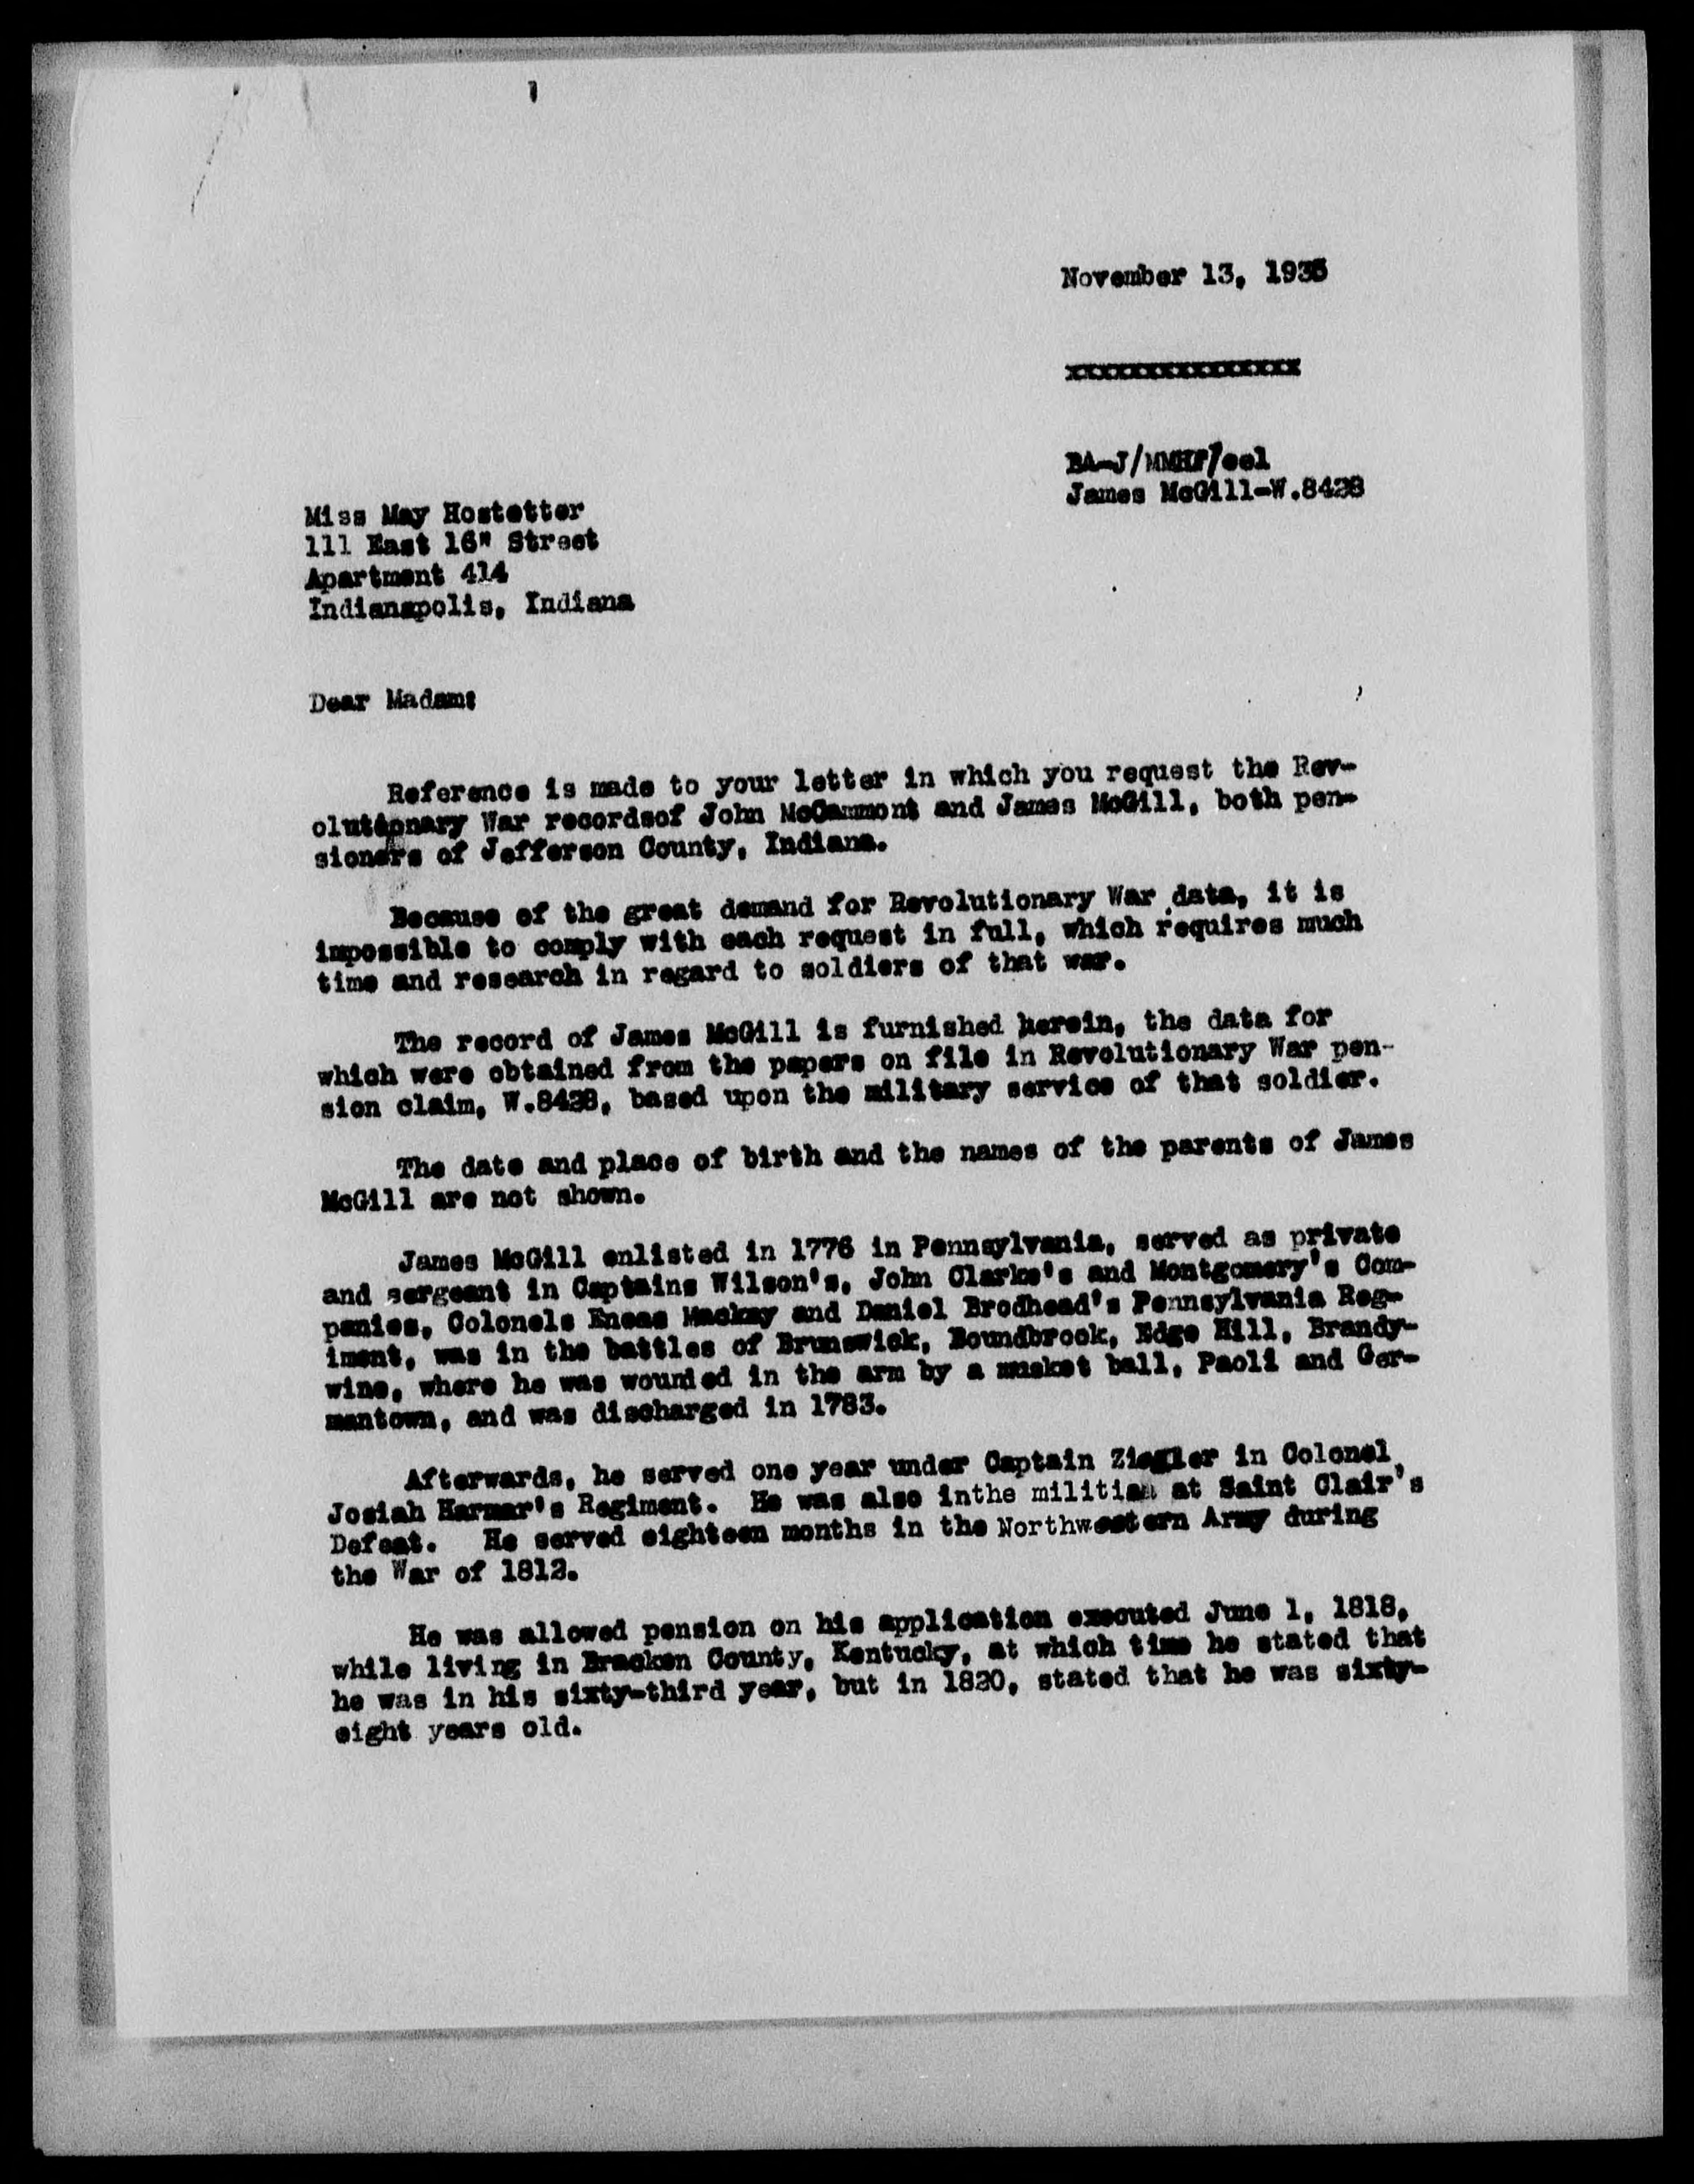Image 126         4160873_00126
Fold3 File #23857292

[Letter] 
November 13, 1938
XXXXXXXXXXXXXX
BA-J/MMHF/eel
Miss May Hostetter  111 East 16th Street, Apartment 414, Indianapolis, Indiana
Dear Madam: 
Reference is made to your letter in which you request the Revolutionary War  records of John McCammont and James McGill, both pensioners of Jefferson County, Indiana.
Because of the great demand for Revolutionary War data, it is impossible to comply with each request in full, which requires much time and research in regard to soldiers of that war.
The record of James McGillis furnished herein, the data for which were obtained from the papers on file in Revolutionary War pension claim, W.2828, based upon the military servic of that soldier.
The date and place of birth and the names of the parents of James McGill are not shown.
Jamos McGill enilsted in 1776 in Pennsylvania,    
served as private and Sergeant in Captains Wilson's, John Clarke's and Montgomery's Companies, Colonels Eneas Mackay and Daniel Brodhead’s Pennsylvania Regiment, was in the battles of Brunswick, Boundbrook [Bound Brook], Edge Hill, Brandywine, where he was wounded in the arm by a musket ball, Paoli and Germantown, and  was discharged in 1783.
Afterwards, he served one year under Captain Ziegler in Colonel Josiah Harmar’s Regiment. He was also in the militia at Saint Clair’s Defeat. He served eighteen months In the Northwestern Army during the war of 1812. He was allowed pension on his application executed June 1,1818, while living in Bracken County, Kentucky, at which time he stated that he was in his sixty-third year but in 1820 stated that he was sixty-eight years old.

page: 68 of 71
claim: widow's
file: W. 8428, for James Mc Gill, Pennsylvania